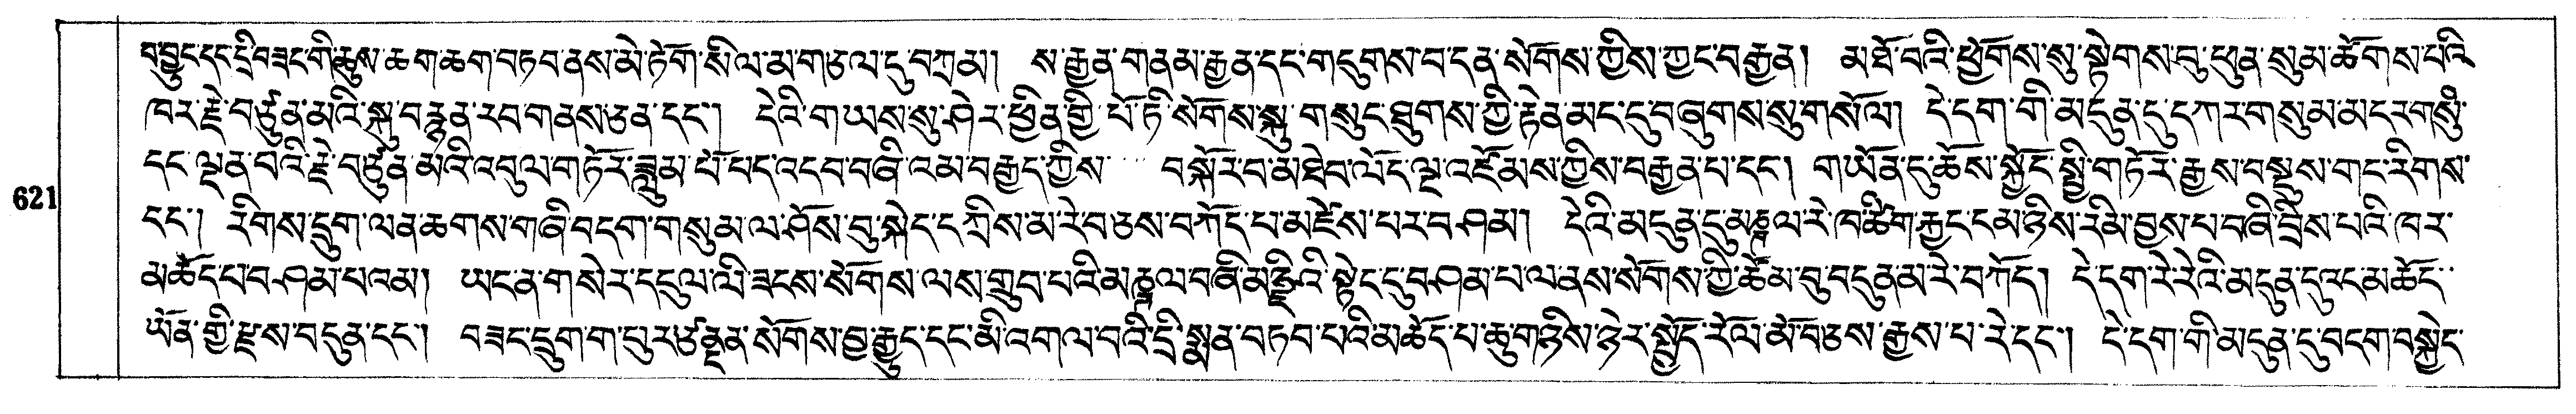བ་བྱུང་དང་དྲི་བཟང་གི་ཆུས་ཆག་ཆག་བཏབ་ནས་མེ་ཏོག་སིལ་མ་གཅལ་དུ་བཀྲམ། ས་རྒྱན་གནམ་རྒྱན་དང་གདུགས་བ་དན་སོགས་ཀྱིས་ཀྱང་བརྒྱན། མཐོ་བའི་ཕྱོགས་སུ་སྟེགས་བུ་ཕུན་སུམ་ཚོགས་པའི་
ཁར་རྗེ་བཙུན་མའི་སྐུ་བརྙན་རབ་གནས་ཅན་དང་། དེའི་གཡས་སུ་ཤེར་ཕྱིན་གྱི་པོ་ཏི་སོགས་སྐུ་གསུང་ཐུགས་ཀྱི་རྟེན་མང་དུ་བཞུགས་སུ་གསོལ། དེ་དག་གི་མདུན་དུ་དཀར་གསུམ་མངར་གསུམ་
དང་ལྡན་པའི་རྗེ་བཙུན་མའི་འབུལ་གཏོར་ཟླུམ་པོ་པད་འདབ་བཞི་འམ་བརྒྱད་ཀྱིས་བསྐོར་བ་མཐེབ་ལོང་ལྔ་འཛོམས་ཀྱིས་བརྒྱན་པ་དང་། གཡོན་དུ་ཆོས་སྐྱོང་སྤྱི་གཏོར་རྒྱས་བསྡུས་གང་རིགས་
དང་། རིགས་དྲུག་ལན་ཆགས་གཞི་བདག་གསུམ་ལ་ཤོས་བུ་སྐེད་དཀྲིས་མ་རེ་བཅས་བཀོད་པ་མཛེས་པར་བཤམ། དེའི་མདུན་དུ་མཎྜལ་རེ་ཁ་ཚིག་རྐྱང་ངམ་ཉིས་རིམ་བྱས་པ་བཞི་བྲིས་པའི་ཁར་
མཆོད་པ་བཤམ་པའམ། ཡང་ན་གསེར་དངུལ་ལི་ཟངས་སོགས་ལས་གྲུབ་པའི་མཎྜལ་བཞི་མཉྫིའི་སྟེང་དུ་བཤམ་པ་ལ་ནས་སོགས་ཀྱི་ཚོམ་བུ་བདུན་མ་རེ་བཀོད། དེ་དག་རེ་རེའི་མདུན་དུའང་མཆོད་
ཡོན་གྱི་རྫས་བདུན་དང་། བཟང་དྲུག་ག་བུར་ཙནྡན་སོགས་བྱ་རྒྱུད་དང་མི་འགལ་བའི་དྲི་སྨན་བཏབ་པའི་མཆོད་པ་ཆུ་གཉིས་ཉེར་སྤྱོད་རོལ་མོ་བཅས་རྒྱས་པ་རེ་དང་། དེ་དག་གི་མདུན་དུ་བདག་བསྐྱེད་